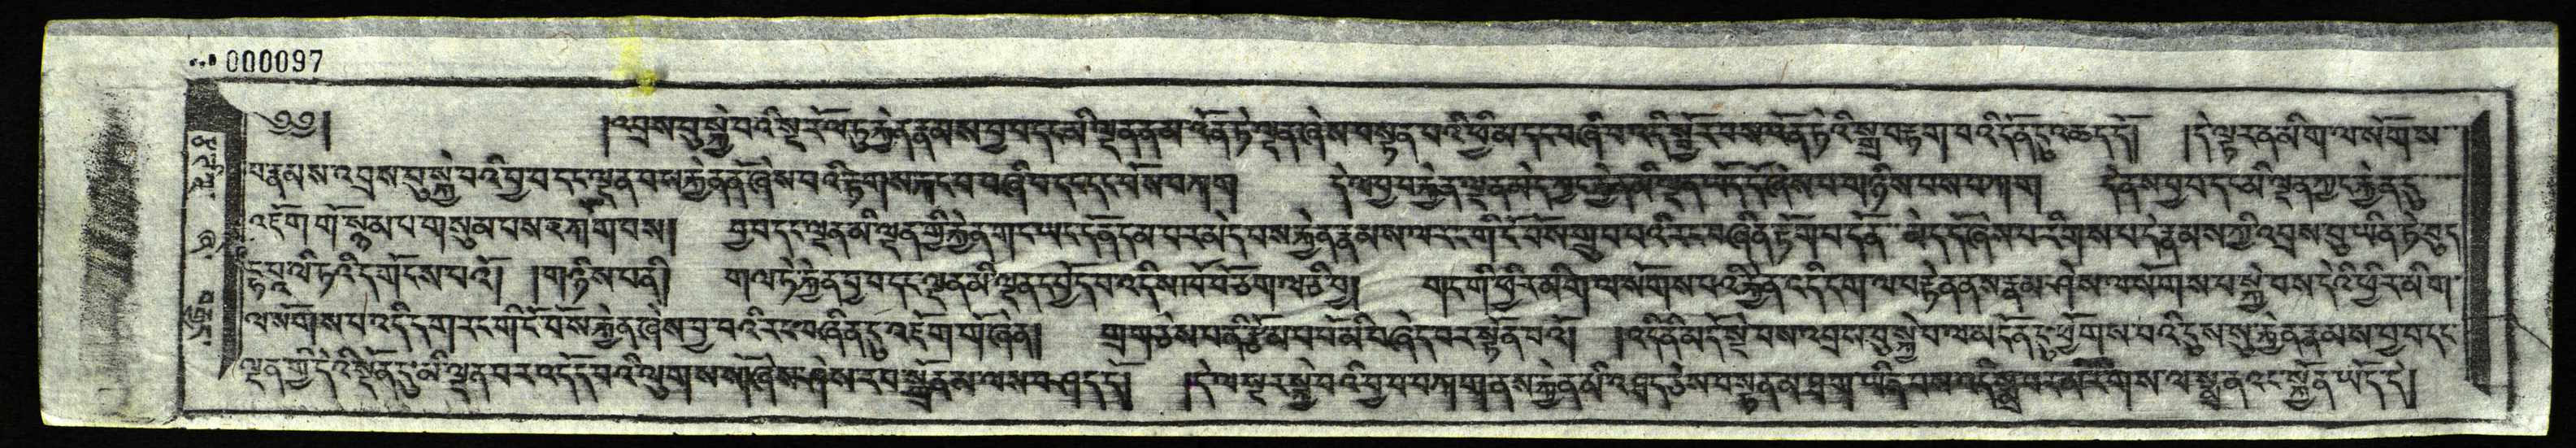༄༅། །འབྲས་བུ་སྐྱེ་བའི་སྔ་རོལ་ཏུ་རྐྱེན་རྣམས་བྱ་བ་དང་མི་ལྡན་ནམ་འོན་ཏེ་ལྡན་ཞེས་བསྟན་པའི་ཕྱི་མ་དང་བཞི་པ་འདི་སྦྱོར་བས་འོན་ཏེའི་སྒྲ་བརྟག་པའི་དོན་དུ་འཆད་དོ། །དེ་ལྟར་ན་མིག་ལ་སོགས་
པ་རྣམས་འབྲས་བུ་སྐྱེ་བའི་བྱ་བ་དང་ལྡན་པས་རྐྱེན་ནོ་ཞེས་པའི་རྟགས་རྐང་པ་བཞི་བ་དང་པོས་བཀག་དེ་ལ་བྱ་བ་རྐྱེན་ལྡན་མེད་ཀྱང་རྐྱེན་མི་ལྡན་ཡོད་དོ་ཞེས་པ་གཉིས་པས་བཀག་དེ་ནས་བྱ་བ་དང་མི་ལྡན་ཀྱང་རྐྱེན་དུ་
འཇོག་གོ་སྙམ་པ་གསུམ་པས་འགོག་པས། བྱ་བ་དང་ལྡན་མི་ལྡན་གྱི་རྐྱེན་གང་ཡང་དོན་དམ་པར་མེད་པས་རྐྱེན་རྣམས་ལ་རང་གི་ངོ་བོས་གྲུབ་པའི་རང་བཞིན་རྟོག་པ་དོན་མེད་དོ་ཞེས་པ་རིགས་པ་དེ་རྣམས་ཀྱི་འབྲས་བུ་ཡིན་ཏེ་བུད་
དྷ་པཱ་ལི་ཏའི་དགོངས་པའོ། །གཉིས་པ་ནི། གལ་ཏེ་རྐྱེན་བྱ་བ་དང་ལྡན་མི་ལྡན་དཔྱོད་པ་འདིས་ཁོ་བོ་ཅག་ལ་ཅི་བྱ། གང་གི་ཕྱིར་མིག་ལ་སོགས་པའི་རྐྱེན་འདི་དག་ལ་བརྟེན་ནས་རྣམ་ཤེས་ལ་སོགས་པ་སྐྱེ་བས་དེའི་ཕྱིར་མིག་
ལ་སོགས་པ་འདི་དག་རང་གི་ངོ་བོས་རྐྱེན་ཞེས་བྱ་བའི་རང་བཞིན་དུ་འཇོག་གོ་ཞེ་ན། གྲག་ཅེས་པ་ནི་རྩོམ་པ་པོ་མི་བཞེད་བར་སྟོན་པའོ། །འདི་ནི་མདོ་སྡེ་པས་འབྲས་བུ་སྐྱེ་བ་ལ་མངོན་དུ་ཕྱོགས་པའི་དུས་སུ་རྐྱེན་རྣམས་བྱ་བ་དང་
ལྡན་གྱི་དེའི་སྔོན་དུ་མི་ལྡན་པར་འདོད་པའི་ལུགས་སོ། ཞེས་ཤེས་རབ་སྒྲོན་མ་ལས་བཤད་དོ། །དེ་ལ་སྔར་སྐྱེ་བའི་བྱ་བ་བཀག་ནས་རྐྱེན་མི་འཐད་ཅེས་བསྟན་མ་ཐག་ཡིན་པས་འདི་སྨྲ་བར་མི་རིགས་ལ་སྨྲ་ནའང་སྐྱོན་ཡོད་དེ།